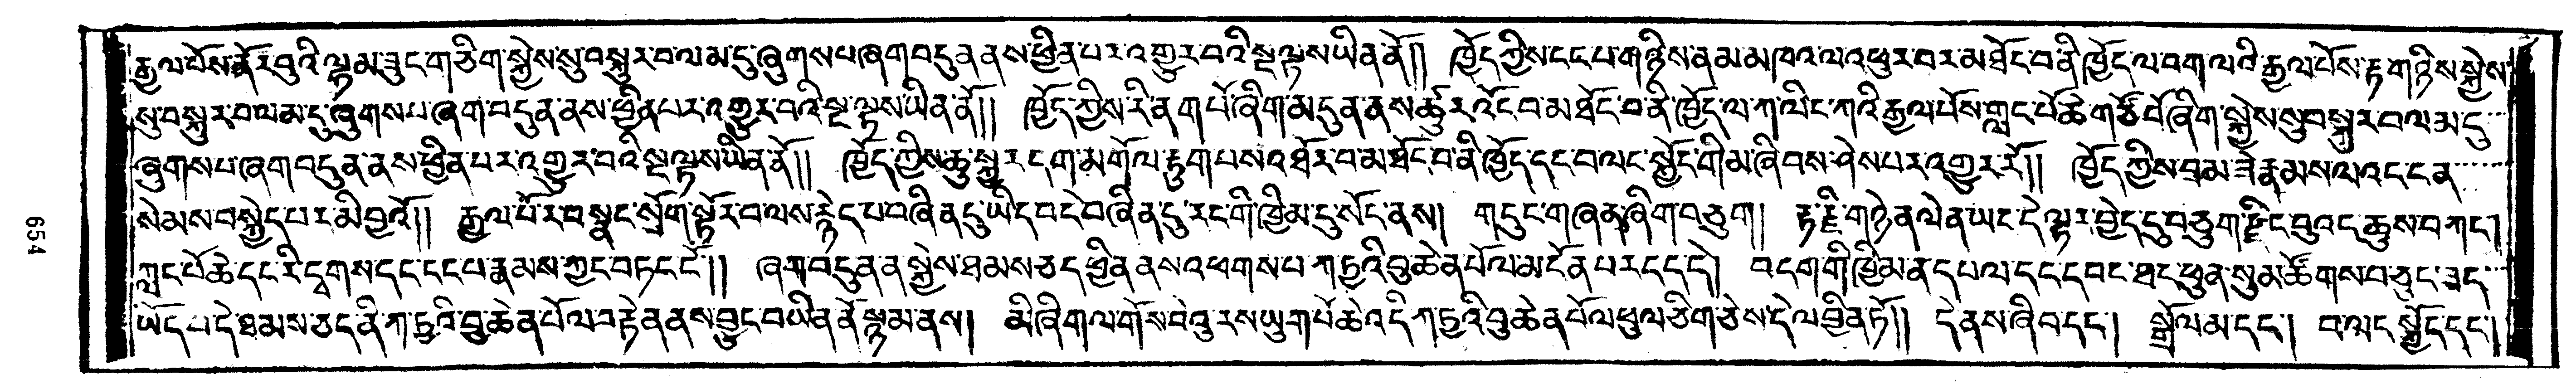རྒྱལ་པོས་ནོར་བུའི་ལྷམ་ཟུང་གཅིག་སྐྱེས་སུ་བསྐུར་བ་ལམ་དུ་ཞུགས་པ་ཞག་བདུན་ནས་ཕྱིན་པར་འགྱུར་བའི་སྔ་ལྟས་ཡིན་ནོ།། ཁྱོད་ཀྱིས་ངང་པ་གཉིས་ནམ་མཁའ་ལ་འཕུར་བར་མཐོང་བ་ནི་ཁྱོད་ལ་བག་ལའི་རྒྱལ་པོས་རྟ་གཉིས་སྐྱེས་
སུ་བསྐུར་བ་ལམ་དུ་ཞུགས་པ་ཞག་བདུན་ནས་ཕྱིན་པར་འགྱུར་བའི་སྔ་ལྟས་ཡིན་ནོ།། ཁྱོད་ཀྱིས་རི་ནག་པོ་ཞིག་མདུན་ནས་ཚུར་འོང་བ་མཐོང་བ་ནི་ཁྱོད་ལ་ཀ་ལིང་ཀའི་རྒྱལ་པོས་གླང་པོ་ཆེ་གཙོ་བོ་ཞིག་སྐྱེས་སུ་བསྐུར་བ་ལམ་དུ་
ཞུགས་པ་ཞག་བདུན་ནས་ཕྱིན་པར་འགྱུར་བའི་སྔ་ལྟས་ཡིན་ནོ།། ཁྱོད་ཀྱིས་ཆུ་སྐྱར་དག་མགོལ་རྟུག་པས་འཐོར་བ་མཐོང་བ་ནི་ཁྱོད་དང་བ་ལང་སྐྱོང་གིམ་ཞིབས་ཤེས་པར་འགྱུར་རོ།། ཁྱོད་ཀྱིས་བྲམ་ཟེ་རྣམས་ལའང་ངན་
སེམས་བསྐྱེད་པར་མི་བྱའོ།། རྒྱལ་པོ་ར་བསྣང་སྲོག་སྟོར་བ་ལས་རྙེད་པ་བཞིན་དུ་ཡིད་བདེ་བཞིན་དུ་རང་གི་ཁྱིམ་དུ་སོང་ནས། གདུང་གཞན་ཞིག་བཅུག། རྟ་རྗི་གཉེན་ལེན་ཡང་དེ་ལྟར་བྱེད་དུ་བཅུག་རྫིང་བུའང་ཆུས་བཀང་།
ཀླང་པོ་ཆེ་དང་རི་དྭགས་དང་ངང་པ་རྣམས་ཀྱང་བཏང་ངོ།། ཞག་བདུན་ན་སྐྱེས་ཐམས་ཅད་ཕྱིན་ནས་འཕགས་པ་ཀ་ཏྱའི་བུ་ཆེན་པོ་ལ་མངོན་པར་དད་དེ། བདག་གི་ཁྱིམ་ན་དཔལ་དང་དབང་ཐང་ཕུན་སུམ་ཚོགས་པ་ཅུང་ཟད་
ཡོད་པ་དེ་ཐམས་ཅད་ནི་ཀ་ཏྱའི་བུ་ཆེན་པོ་ལ་བརྟེན་ནས་བྱུང་བ་ཡིན་ནོ་སྙམ་ནས། མི་ཞིག་ལ་གོས་བེའུ་རས་ཡུག་པོ་ཆེ་འདི་ཀ་ཏྱའི་བུ་ཆེན་པོལ་ཕུལ་ཅིག་ཅེས་དེ་ལ་བྱིན་ཏོ།། དེ་ནས་ཞི་བ་དང་། སྒྲོལ་མ་དང་། བ་ལང་སྐྱོང་དང་།